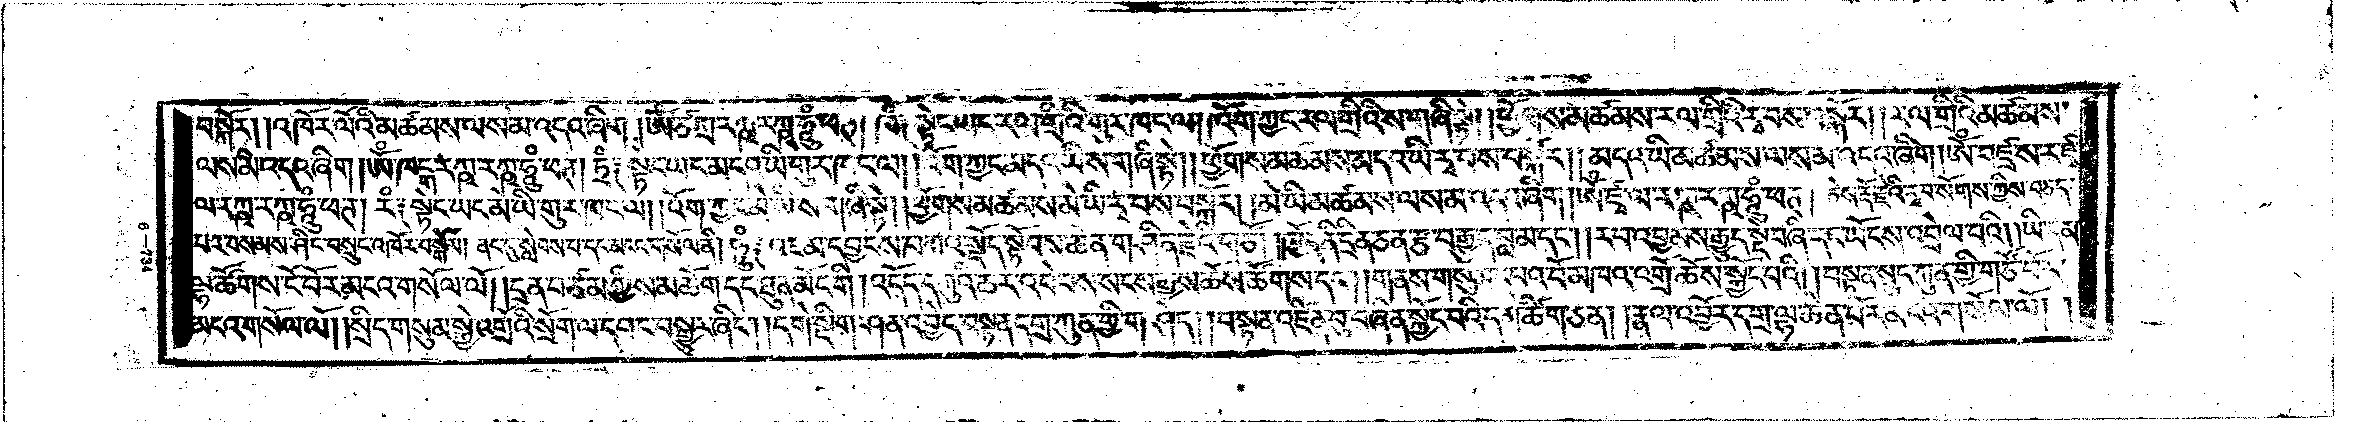བསྐོར། །འཁོར་ལོའི་མཚམས་ལས་མ་འདའ་ཞིག །ཨོཾ་ཙཀྲ་རཀྵ་རཀྵ་ཧཱུཾ་ཕཊ། ༼ན༽ སྟེང་ཡང་རལ་གྲིའི་གུར་ཁང་ལ། །འོག་ཀྱང་རལ་གྲིའི་ས་གཞི་སྟེ། །ཕྱོགས་མཚམས་རལ་གྲིའི་རྭ་པས་འྶྐོར། །རལ་གྲིའི་མཚམས་
ལས་མི་འདའ་ཞིག །ཨོཾ་ཁངྒ་རཀྵ་རཀྵ་ཧཱུཾ་ཕཊ། ཏྲ྾༑ སྟེང་ཡང་མདའ་ཡི་གུར་ཁང་ལ། །འོག་ཀྱང་མདའ་ཡིས་གཞི་སྟེ། །ཕྱོགས་མཚམས་མདའ་ཡི་རྭ་བས་བསྐོར། །མདའ་ཡི་མཚམས་ལས་མ་འདའ་ཞིག །ཨོཾ་བཛྲ་ས་ར་ཛྭ་
ལ་རཀྵ་རཀྵ་ཧཱུཾ་ཕཊ། རཾ༑ སྟེང་ཡང་མེ་ཡི་གུར་ཁང་ལ། །འོག་ཀྱང་མེ་ཡི་ས་གཞི་སྟེ། །ཕྱོགས་མཚམས་མེ་ཡི་རྭ་བས་བསྐོར། །མེ་ཡི་མཚམས་ལས་མ་འདའ་ཞིག །ཨོཾ་བཛྲ་ལ་རཀྵ་རཀྵ་ཧཱུཾ་ཕཊ། ཅེས་རྡོ་རྗེའི་རྭ་བ་སོགས་ཀྱིས་བཅད་
པར་བསམས་ཤིང་བསྲུང་འཁོར་བསྒོམ། ནང་དུ་སླེབས་པ་དང་སྲང་བ་གསོལ་ནི། ཧཱུཾ༑ འཇམ་དབྱངས་བཀའ་སྡོད་སྟོབས་ཆེན་གཤིན་རྗེའི་གཙོ། །ཁྱོད་ནི་དྲིན་ཅན་རྩ་བརྒྱུད་བླ་མ་དང་། །རབ་འབྱམས་རྒྱུད་སྡེ་བཞི་དང་ཡོངས་འབྲེལ་བའི། །ཡི་དམ་
ལྷ་ཚོགས་ངོ་བོར་མངའ་གསོལ་ལོ། །དྲན་པ་ཙམ་གྱིས་མཆོག་དང་ཐུན་མོང་གི། འདོད་དགུའི་ཆར་འབེབས་སངས་རྒྱས་ཆོས་ཚོགས་དང་། །གནས་གསུམ་དཔའ་བོ་མཁའ་འགྲོ་ཆོས་སྐྱོང་བའི། །བསྟན་སྲུང་ཀུན་གྱི་གཙོ་བོར་
མངའ་གསོལ་ལོ། །སྲིད་གསུམ་སྐྱེ་འགྲོའི་སྲོག་ལ་དབང་བསྒྱུར་ཞིང་། །དགེ་སྡིག་ཤན་འབྱེད་བསྟན་དགྲ་ཀུན་གྱི་གཤེད། །བསྟན་འཛིན་བུ་བཞིན་སྐྱོང་བའི་དམ་ཚིག་ཅན། །རྣལ་འབྱོར་དགྲ་ལྟ་ཆན་པོར་མངའ་གསོལ་ལོ། །